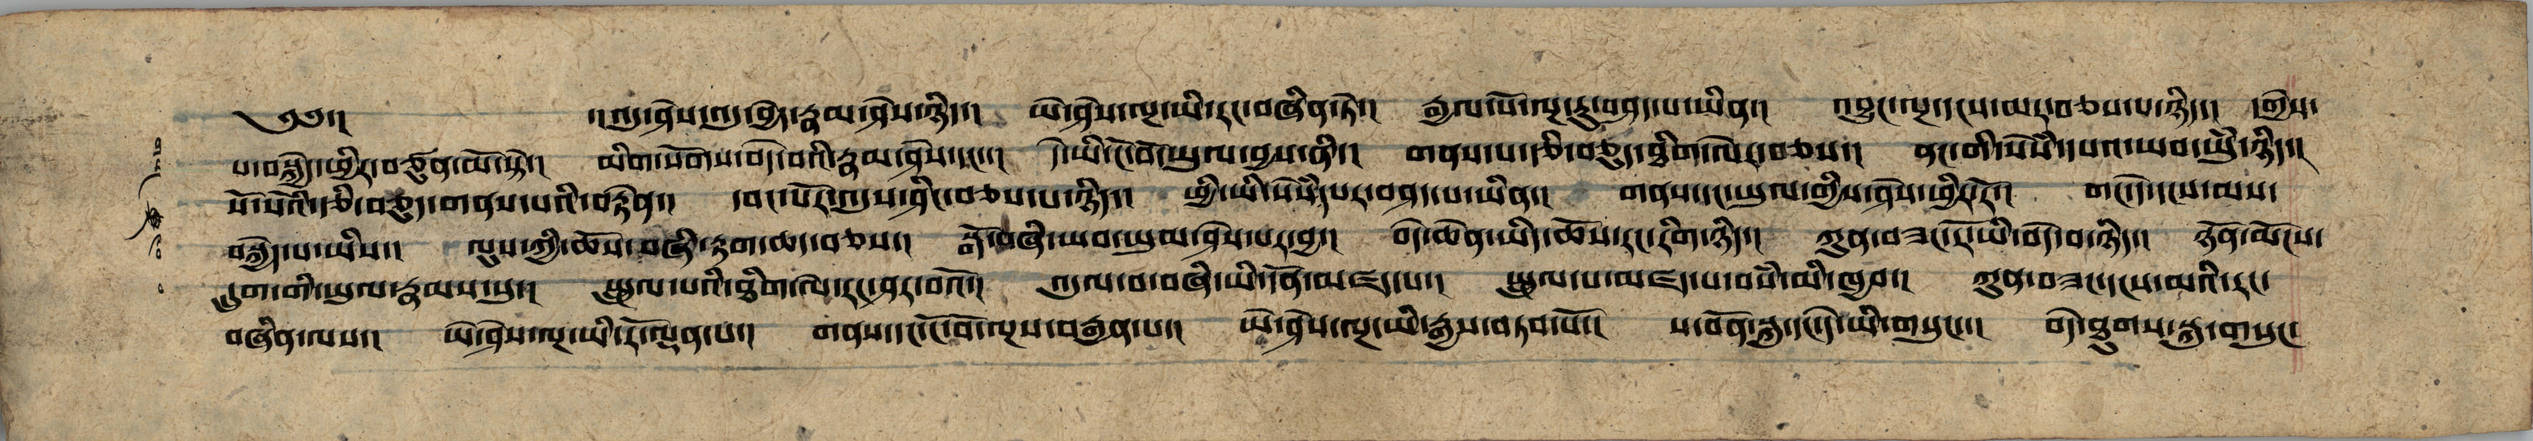༄༅་། ་།འདུ་ཤེས་འདུ་བྱེད་རྣམ་ཤེས་ཉིད་། ཡེ་ཤེས་ལྔ་ཡི་རང་བཞིན་ཏེ་། རྒྱལ་པོ་ལྔ་རུ་བཤད་པ་ཡིན་། འབྱུང་ལྔ་དངས་མར་བཅས་པ་ཉིད་། དགྱེས་
པ་བསྐྱེད་ཕྱིར་བཙུན་མོ་སྟེ་། མིག་སོགས་བདེ་བའི་རྣམ་ཤེས་དང་་། དེ་ཡི་ངོ་བོ་ཡུལ་བྱས་ནི་། གནས་པ་རྩི་བཅུད་ཐིག་ལེར་བཅས་། ནང་གི་སེཾས་དཔའ་ཡབ་ཡུཾ་ཉིད་།
སོ་སོའི་རྩི་བཅུད་གནས་པའི་བརྟེན་། དབང་པོར་འདུས་ཤིང་བཅས་པ་ཉིད་། ཕྱི་ཡི་སེཾསདཔར་བཤད་པ་ཡིན་། གནས་དང་ཡུལ་གྱིས་ཤེས་ཕྱིར་རོ་། གང་དེ་དངས་མས་
བསྐྱེད་པ་ཡིས་། ལུས་ཀྱི་ཆོས་བཞི་རྟག་ཆད་བཅས་། སྒོ་བཞི་ཡབ་ཡུམ་ཤེས་པར་བྱ་། བདེ་ཆེན་ཡིད་ཆོས་རང་རིག་ཉིད་། ཀུན་བཟང་རོ་ཡི་བདེ་བ་ཉིད་། ཉོན་མོངས་
དྲུག་གི་ཡུལ་རྣམས་སུ་། སྤྲུལ་པའི་ཐིག་ལེ་རང་ཤར་བའོ་། འདུལ་བ་བཞི་ཡི་དོན་མཛད་པ་། སྤྲུལ་པ་མཛད་པ་བསཾ་མི་ཁྱབ་། ཀུན་བཟང་དངས་མའི་རང་
བཞིན་ལས་། ཡེ་ཤེས་ལྔ་ཡི་རོ་ལྡན་པ་། གནས་དང་ངོ་བོ་ལྔས་བརྒྱན་པ་། ཡེ་ཤེས་ལྔ་ཡི་རྒྱས་བཏབ་པོ་། ས་བོན་སྐུ་དང་དེ་ཡི་གསུངས་་། བདེ་ཐུགས་སྐུ་གསུང་